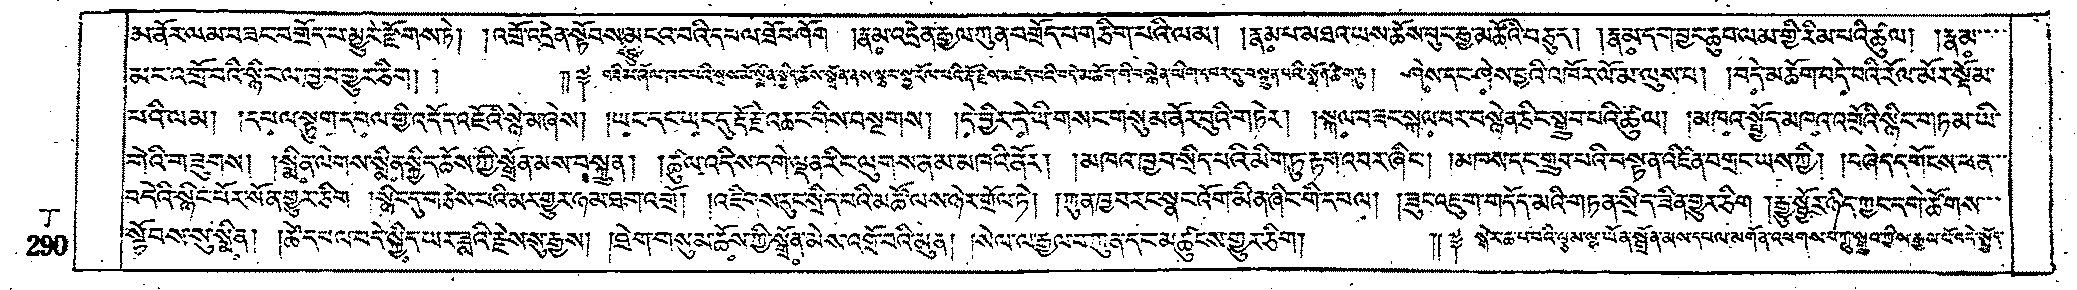མ་མོར་ལམ་བཟང་བགྲོད་པ་མྱུར་རྫོགས་ཏེ། །འགྲོ་འདྲེན་སྟོབས་བཅུ་མངའ་བའི་དཔལ་ཐོབ་ཤོག །རྣམ྾་འདྲེན་རྒྱལ་ཀུན་བགྲོད་པ་གཅིག་པའི་ལམ། །རྣམ྾་པ་མཐའ་ཡས་ཆོས་ཕུང་རྒྱ་མཚོའི་བཅུད། །རྣམ྾་དག་བྱང་ཆུབ་ལམ་གྱི་རིམ་པའི་ཚུལ། །རྣམ྾་་་
མང་འགྲོ་བའི་སྙིང་ལ་ཁྱབ་གྱུར་ཅིག།། །།འ་གཟིམ་ཞོལ་ཁང་པའི་སྲས་མོ་སྨིན་སྐྱིད་ཆོས་སྒྲོན་ནས་ལྕང་སྐྱ་རོལ་པའི་རྡོ་རྗེས་མཛད་པའི་བདེ་མཆོག་གི་བསྙེན་ཡིག་དཔར་དུ་བསྐྲུན་པའི་སྨོན་ཚིག་ཏུ།  ཤེས྾་དང་ཤེས྾་བྱའི་འཁོར་ལོ་མ་ལུས་པ། །བདེ྾་མཆོག་བདེ྾་བའི་རོལ་མོར་སྡོམ་
པའི་ལམ། །དཔལ྾་སྟུག་དཔལ྾་གྱི་འདོད་འཇོའི་སྙེ་མ་ཞེས། །ཡང྾་དང་ཡང྾་དུ་རྡོ་རྗེ་འཆང་གིས་བསྔགས། །དེ྾་ཕྱིར་དེ྾་ཡི་གསང་གསུམ་ནོར་བུའི་གཏེར། །སྐལ྾་བཟང་སྐལ྾་བར་བསྙེན་ཅིང་སྒྲུབ་པའི་ཚུལ། །མཁའ྾་སྤྱོད་མཁའ྾་འགྲོའི་སྙིང་གཏམ་ཡི་
གེའི་གཟུགས། །སྨིན྾་ལེགས་སྨིན྾་སྐྱིད་ཆོས་ཀྱི་སྒྲོན་མས་བསྐྲུན། །ཚུལ་འདིས་དགེ་ལྡན་རིང་ལུགས་ནམ་མཁའི་ནོར། །མཁའ་ཁྱབ་སྲིད་པའི་མིག་ཏུ་རྟག་འབར་ཞིང་། །མཁས་དང་གྲུབ་པའི་བསྟན་འཛིན་བགྲང་ཡས་ཀྱི། །བཞེད་དགོངས་ཕན་་་
བདེའི་སྙིང་པོར་སོན་གྱུར་ཅིག །སྙིང་དུ་གཅེས་པའི་མར་གྱུར་ཉམ་ཐག་འགྲོ། །འཇིགས་རུང་སྲིད་པའི་མཚོ་ལས་ཉེར་གྲོལ་ཏེ། །ཀུན་ཁྱབ་རང་སྣང་འོག་མིན་ཞིང་གི་དཔལ། །ཟུང་འཇུག་གདོད་མའི་གཏན་སྲིད་ཟིན་གྱུར་ཅིག །རྒྱུ་སྦྱོར་ཉིད་ཀྱང་དགེ་ཚོགས་་་
སྟོབས་སུ་སྨིན྾། །ཚེ་དཔལ་བདེ་སྐྱིད྾་ཡར་ཟླའི་རྗེས་སུ་རྒྱས། །ཐེག་གསུམ་ཆོས྾་ཀྱི་སྒྲོན྾་མེས་འགྲོ་བའི་མུན། །སེལ་ལ་རྒྱལ་བ་ཀུན་དང་མཚུངས་གྱུར་ཅིག། །། འ་སྒེར་ཆ་པ་བའི་ལྕམ་ལྷ་ཡོན་སྒྲོན་མས་དཔལ་མགོན་འཕགས་པ་ཀླུ་སྒྲུབ་ཀྱིས་རྒྱལ་པོ་བདེ་སྤྱོད་